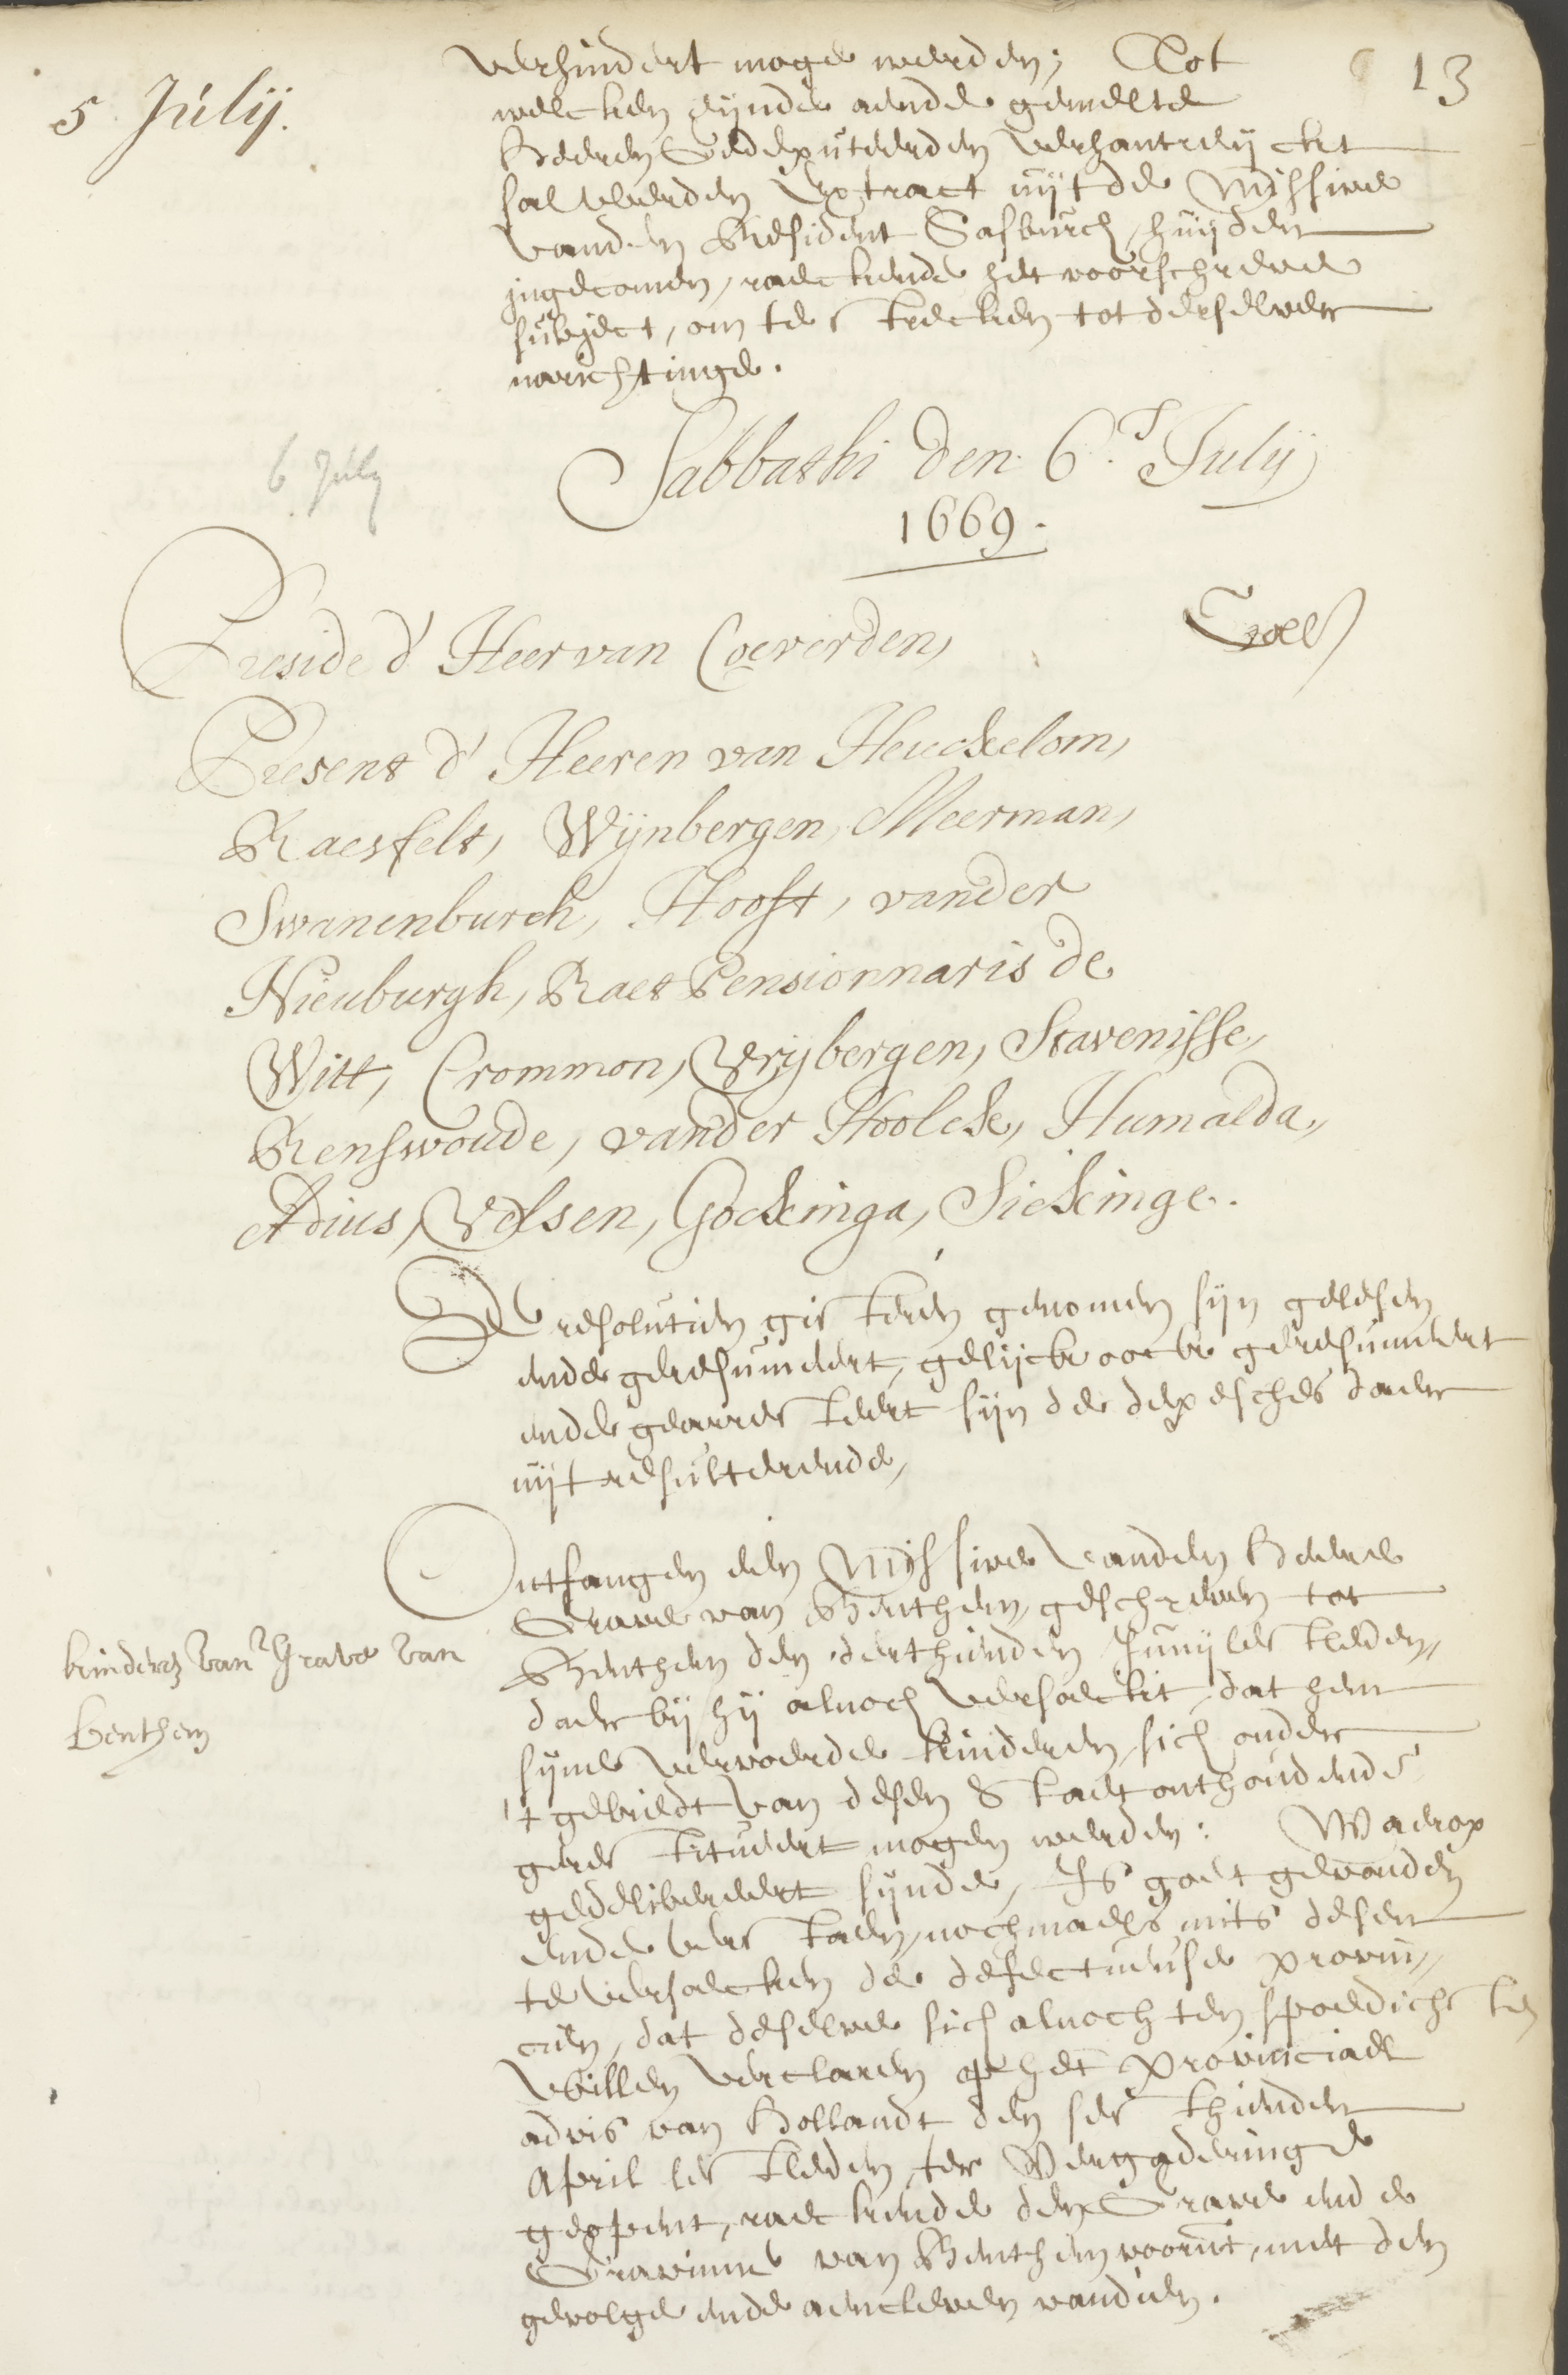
13
5 Julij.
verhindert moge werden; Tot
welcken eijnde aende gemelte
Heeren Gedeputeerden verhantreijckt
sal werden Extract uijt de Missive
vanden Resident Sasburch, huijden
ingecomen, raeckende het voorschreve
subject, om te strecken tot derselver
narichtinge.
6. July
Sabbathi den. 6en. Julij
1669.
Coll
Preside d'Heer van Coeverden,
Present d'Heeren van Heuckelom,
Raesfelt, Wijnbergen, Meerman,
Swanenburch, Hooft, vander
Nieuburgh, Raet Pensionnaris de
Witt, Crommon, Vrijbergen, Stavenisse,
Renswoude, vander Hoolck, Humalda,
Adius, Velsen, Gockinga, Sickinge.
De resolutien gisteren genomen sijn gelesen
ende geresumeert, gelijck oock geresumeert
ende gearresteert sijn de depesches daer
uijt resulterende.
kinderen van Grave van
Benthem
Ontfangen een Missive vanden Heere
Grave van Benthem, geschreven tot
Benthem den derthienden Junij lestleden,
daerbij hij alnoch versoeckt, dat hem
sijne vervoerde kinderen, sich onder
‛t gebiedt van desen Staet onthoudende
gerestitueert mogen werden: Waerop
gedelibereert sijnde, Is goetgevonden
ende verstaen, nochmaels mits desen
te versoecken de defectueuse provin„,
cien dat deselve sich alnoch ten spoedichsten
willen verclaren op het Provinciael
advis van Hollandt den sesthienden
April lestleden, ter Vergaderinge
geopent, raeckende den Grave ende
Gravinne van Benthem voornt, met den
gevolge ende aencleven vandien.
